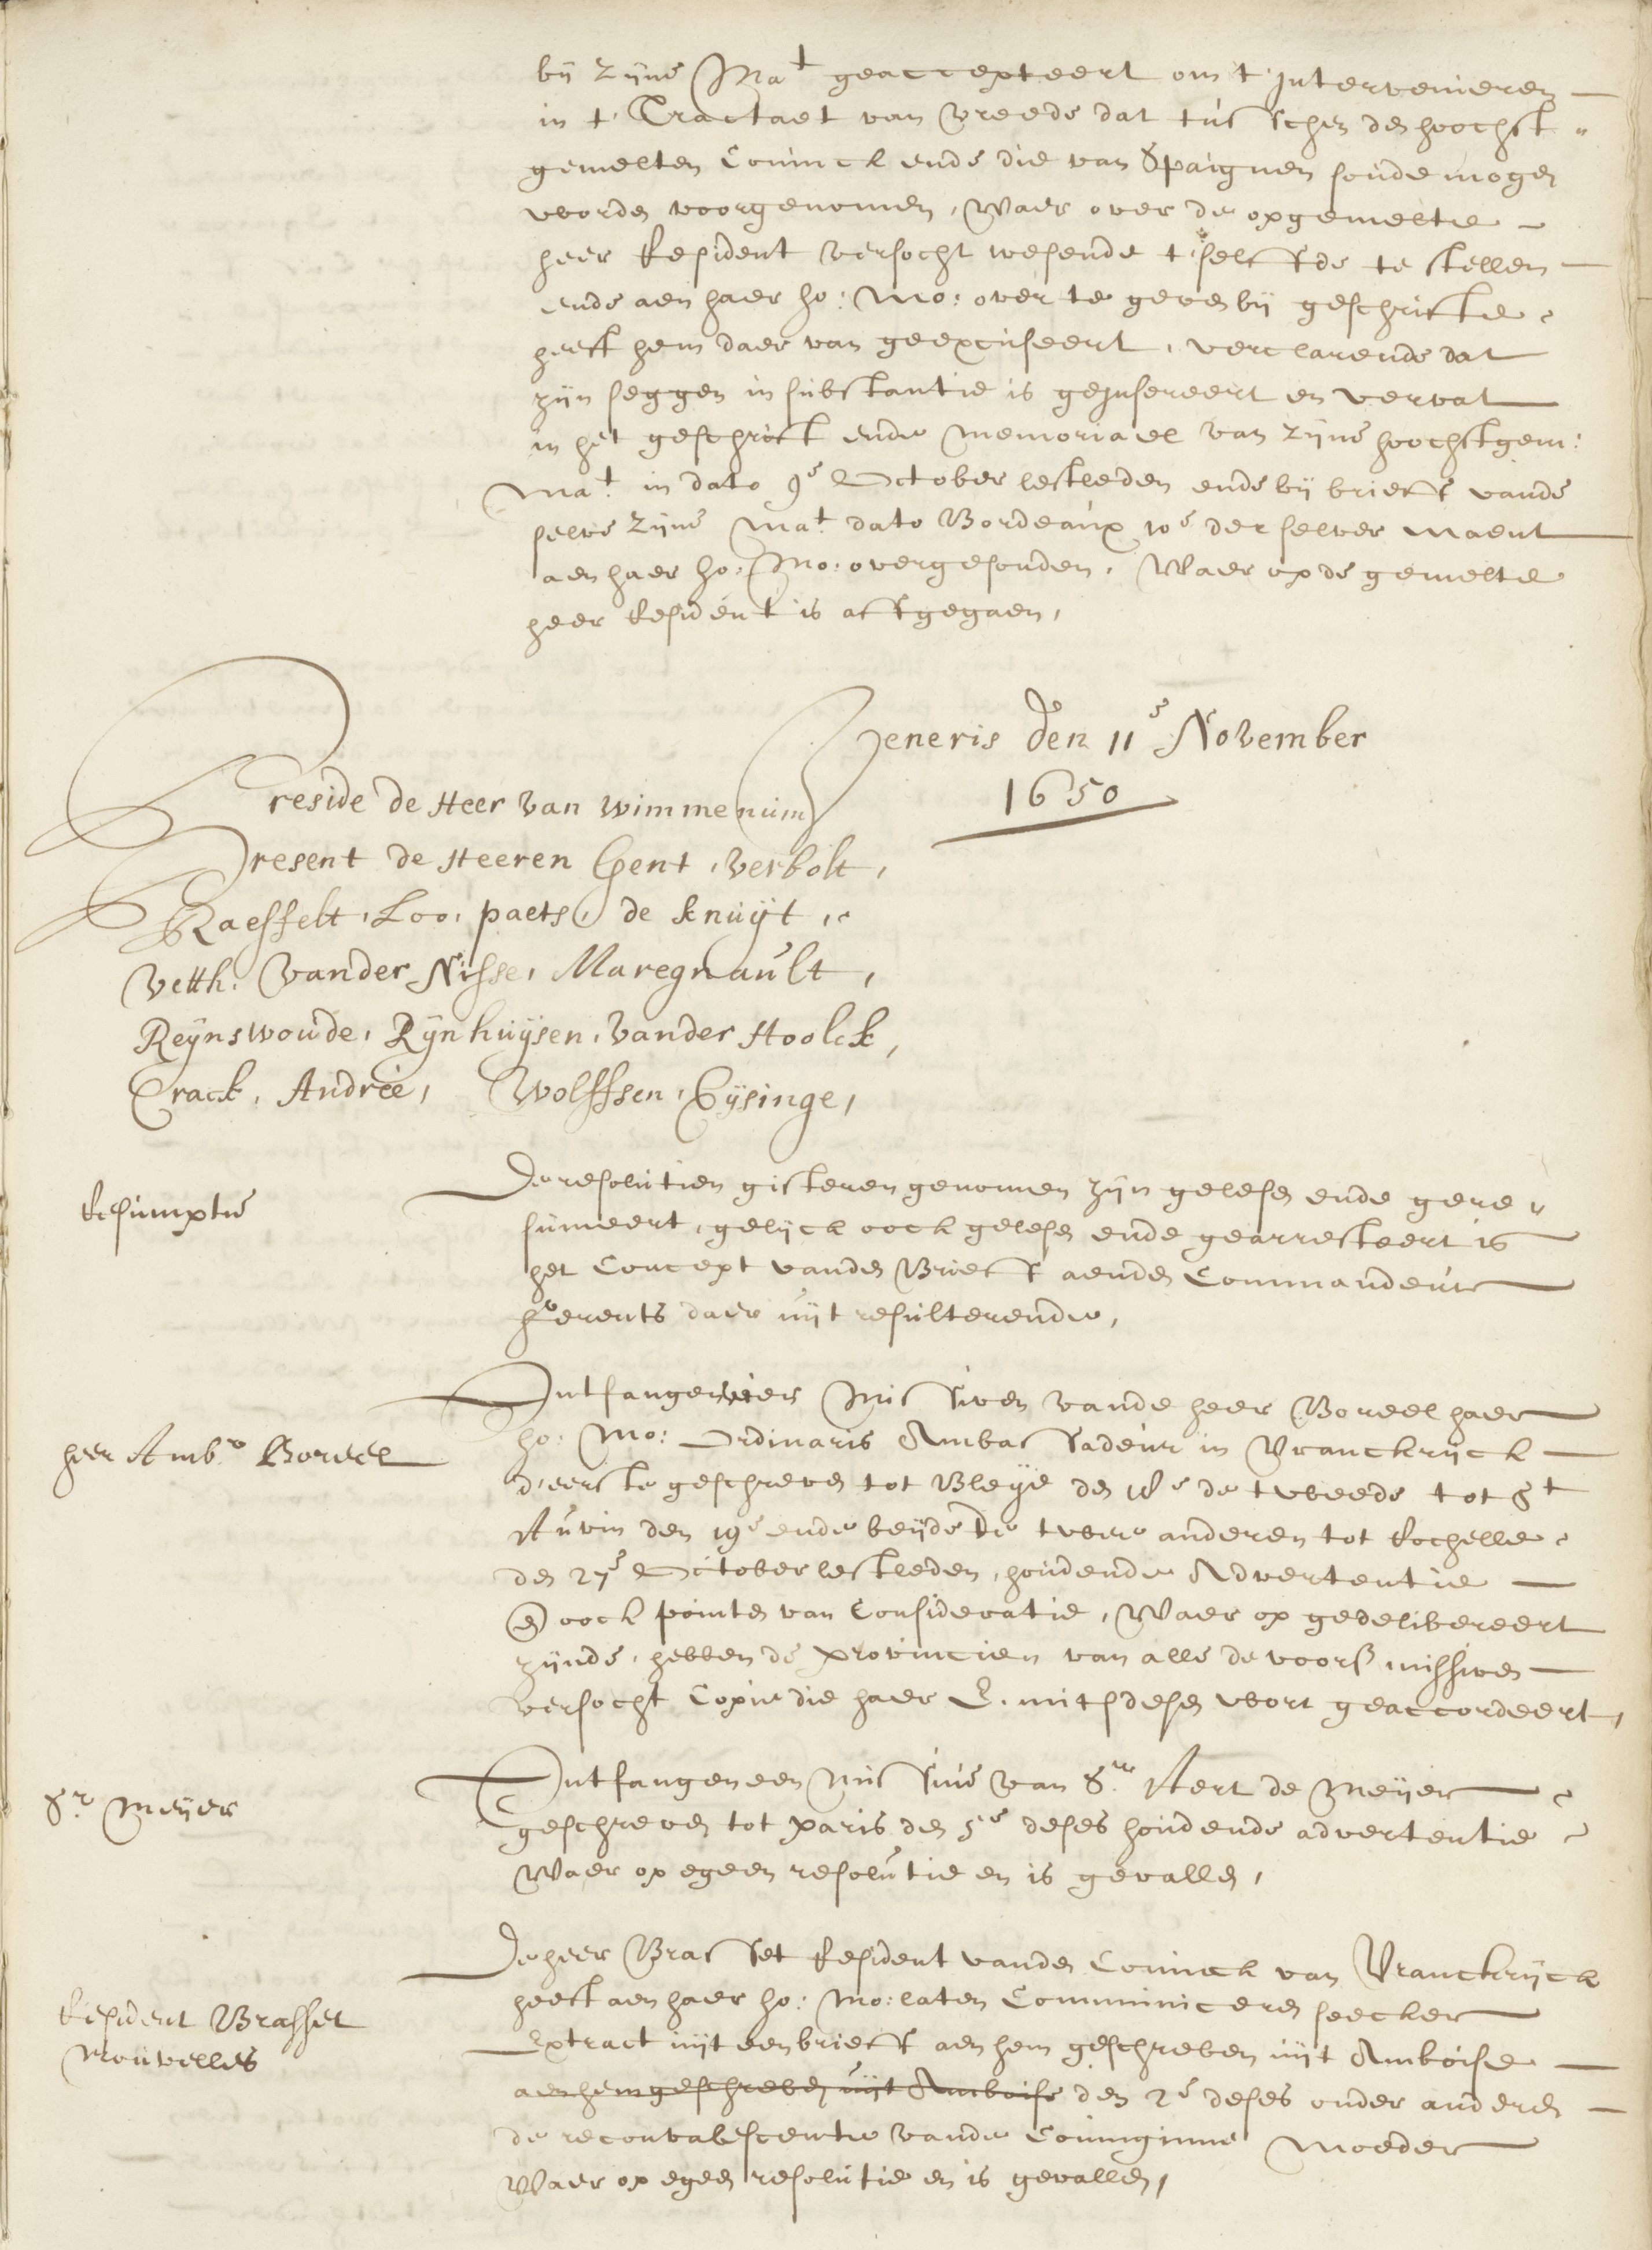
bij zijne Mat geaccepteert om 't intervenieren
in t' Tractaet van vreede dat tusschen den hoochst„
gemelten Coninck ende die van Spaignen soude mogen
worden voorgenomen. Waer over de opgemelte -
heer Resident versocht wesende t'selffde te stellen
ende aen haer ho:Mo: over te geven bij geschrifte,
heeft hem daer van geexcuseert, verclarende dat
zijn seggen in substantie is geinsereert en vervat
in het geschrift ende memoriael van zijne hoochstgem:
Mat. in dato 9e. October lestleden ende bij brieff vande
selve zijne Mat. dato Bordeaux 10e derselver maent
aen haer Ho:Mo: overgesonden. Waer op de gemelte
heer Resident is affgegaen.
Veneris den 11e November
1650
Preside de Heer van wimmenum
Present de Heeren Gent, Verbolt,
Raesfelt, Loo, paets, de Knuijt,
Vetth. Van der Nisse, Maregnault,
Reijnswoude, Rijnhuijsen, vander Hoolck,
Crack, Andreè, Wolffsen, Eijsinge.
Resumptie
De resolutien gisteren genomen zijn gelesen ende gere„
sumeert, gelijck oock gelesen ende gearresteert is
het Concept vanden Brieff aenden Commandeur
Ferents daer uijt resulterende.
heer Ambr. Boreel
Ontfangen een Missiven vande heer Boreel haer
ho:Mo: Ordinaris Ambassadeur in Vranckrijck
d‛eerste geschreven tot Bleije den 18e de tweede tot St
Auvin den 19e ende beijde de twee anderen tot Rochelle,
den 27e October lestleden, houdende Advertentie -
& oock pointen van Consideratie. Waer op gedelibereert
zijnde, hebben de provincien van alle de voors missiven -
versocht Copie die haer E. mitsdesen wort geaccordeert.
Sr. Meijer
Ontfangen een Missive van Sr. Aert de Meijer,
geschreven tot paris den 5e deses houdende advertentie,
Waer op egeen resolutie en is gevallen.
Resident Brasset
Nouvelles
De heer Brasset Resident vanden Coninck van Vranckrijck
heeft aen haer Ho:Mo: laten Communiceren seecker
Extract uijt een brieff aen hem geschreven uijt Amboise
aen hem geschreven uijt Amboise den 2e deses onder anderen
de reconvalescente vande Coninginne Moeder
Waer op egeen resolutie en is gevallen.
